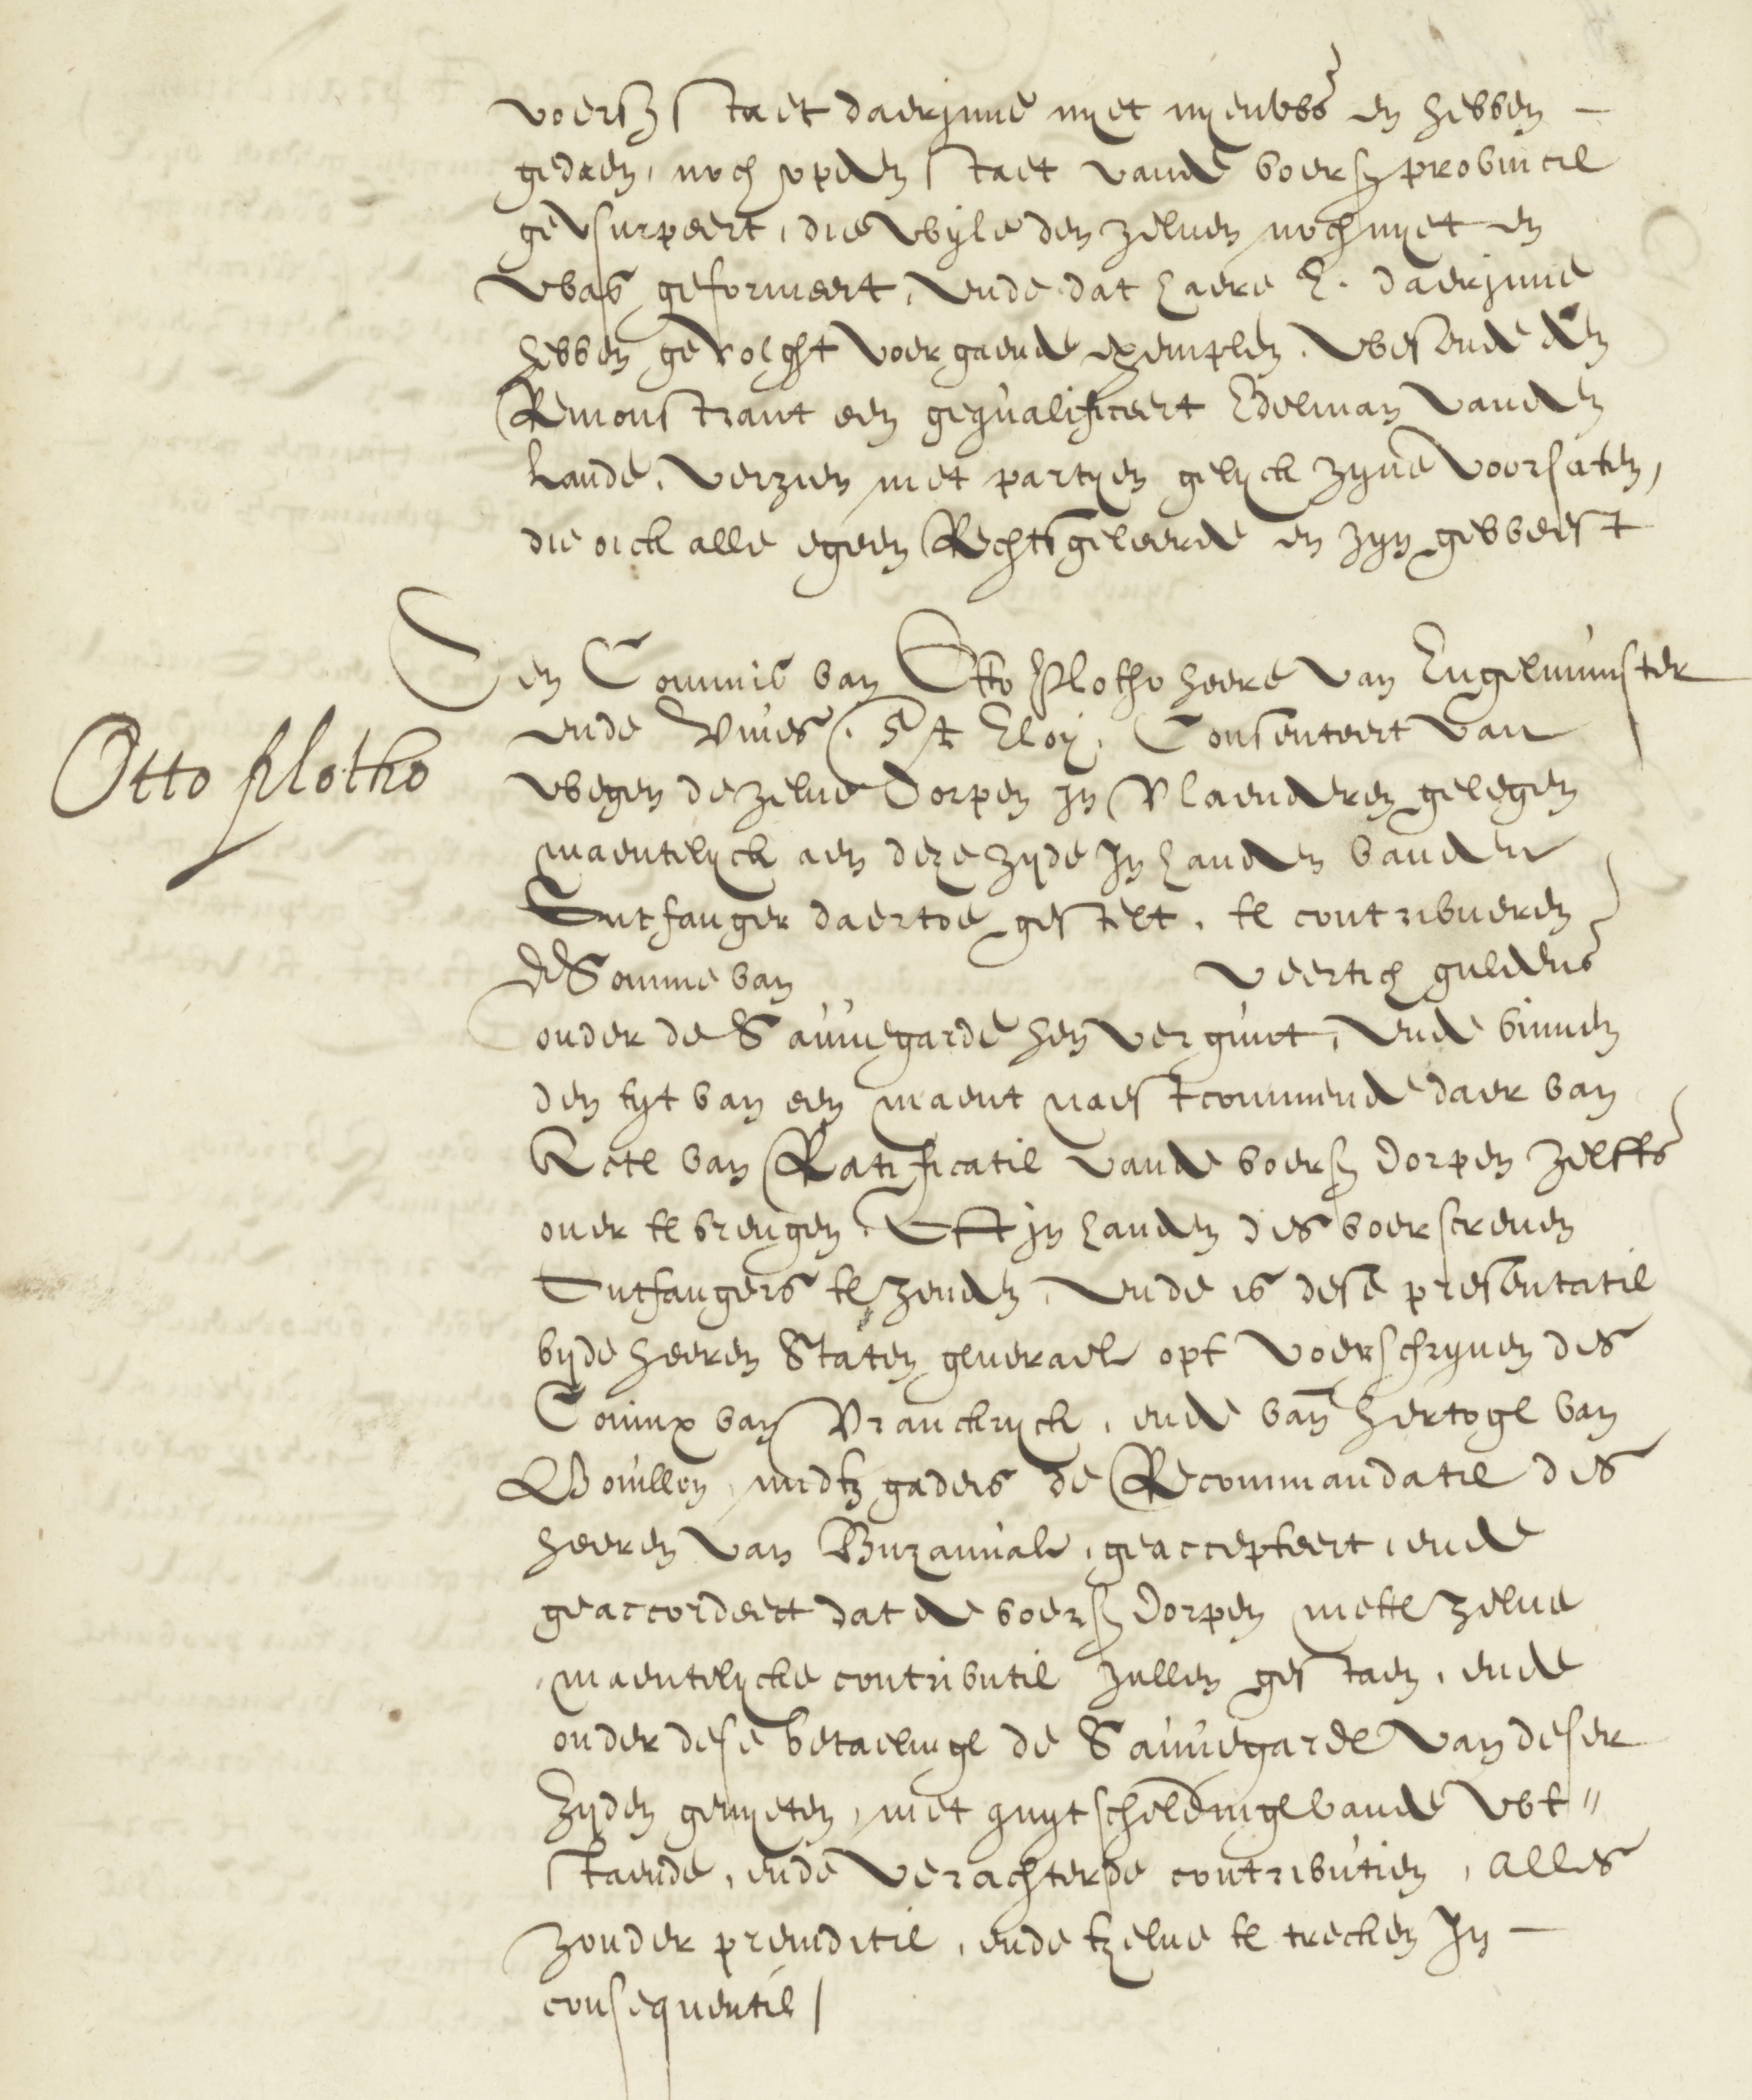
voers Staet daerinne nyet nyeuws en hebben —
gedaen, noch opden Staet vande voers provincie
gevsurpeert, diewijle den zeluen noch nyet en
was geformeert, ende dat haere E. daerinne
hebben gevolght voergaende exemplen. Wesende den
Remonstrant een gequalificeert Edelman vanden
Lande, verzien met partyen gelyck zyne voorsaten,
die oick alle egeen Rechtsgeleerde en zijn geweest
Otto Plotho
Den Commis van Otto Plotho heere van Engelmunster
ende Viues, St. Eloy, Consenteert van
wegen dezelue dorpen in Vlaenderen gelegen
maentelyck aen deze zyde In handen vanden
Ontfanger daertoe gestelt, te contribueren
de Somme van veertich guldens
onder de sauuegarde hen vergunt, ende binnen
den tyt van een maent naestcommende daer van
Acte van Ratificatie vande voers dorpen zelffs
ouer te brengen Off in handen des voerscreuen
Ontfangers te zenden, ende is dese presentatie
byde heeren Staten generael opt voerschryuen des
Conincx van Vranckryck, ende van hertoge van
Bouillon, midtz gaders de Recommandatie des
heeren van Buzanual, geaccepteert, ende
geaccordeert dat de voers dorpen mette zelve
maentelycke contributie zullen gestaen, ende
onder dese betaelinge de Sauuegarde van deser
Zyden genyeten, met quytscheldinge vande wt„
staende, ende verachterde contributien, alles
zonder preiuditie, ende tzelve te trecken In —
consequentie.
